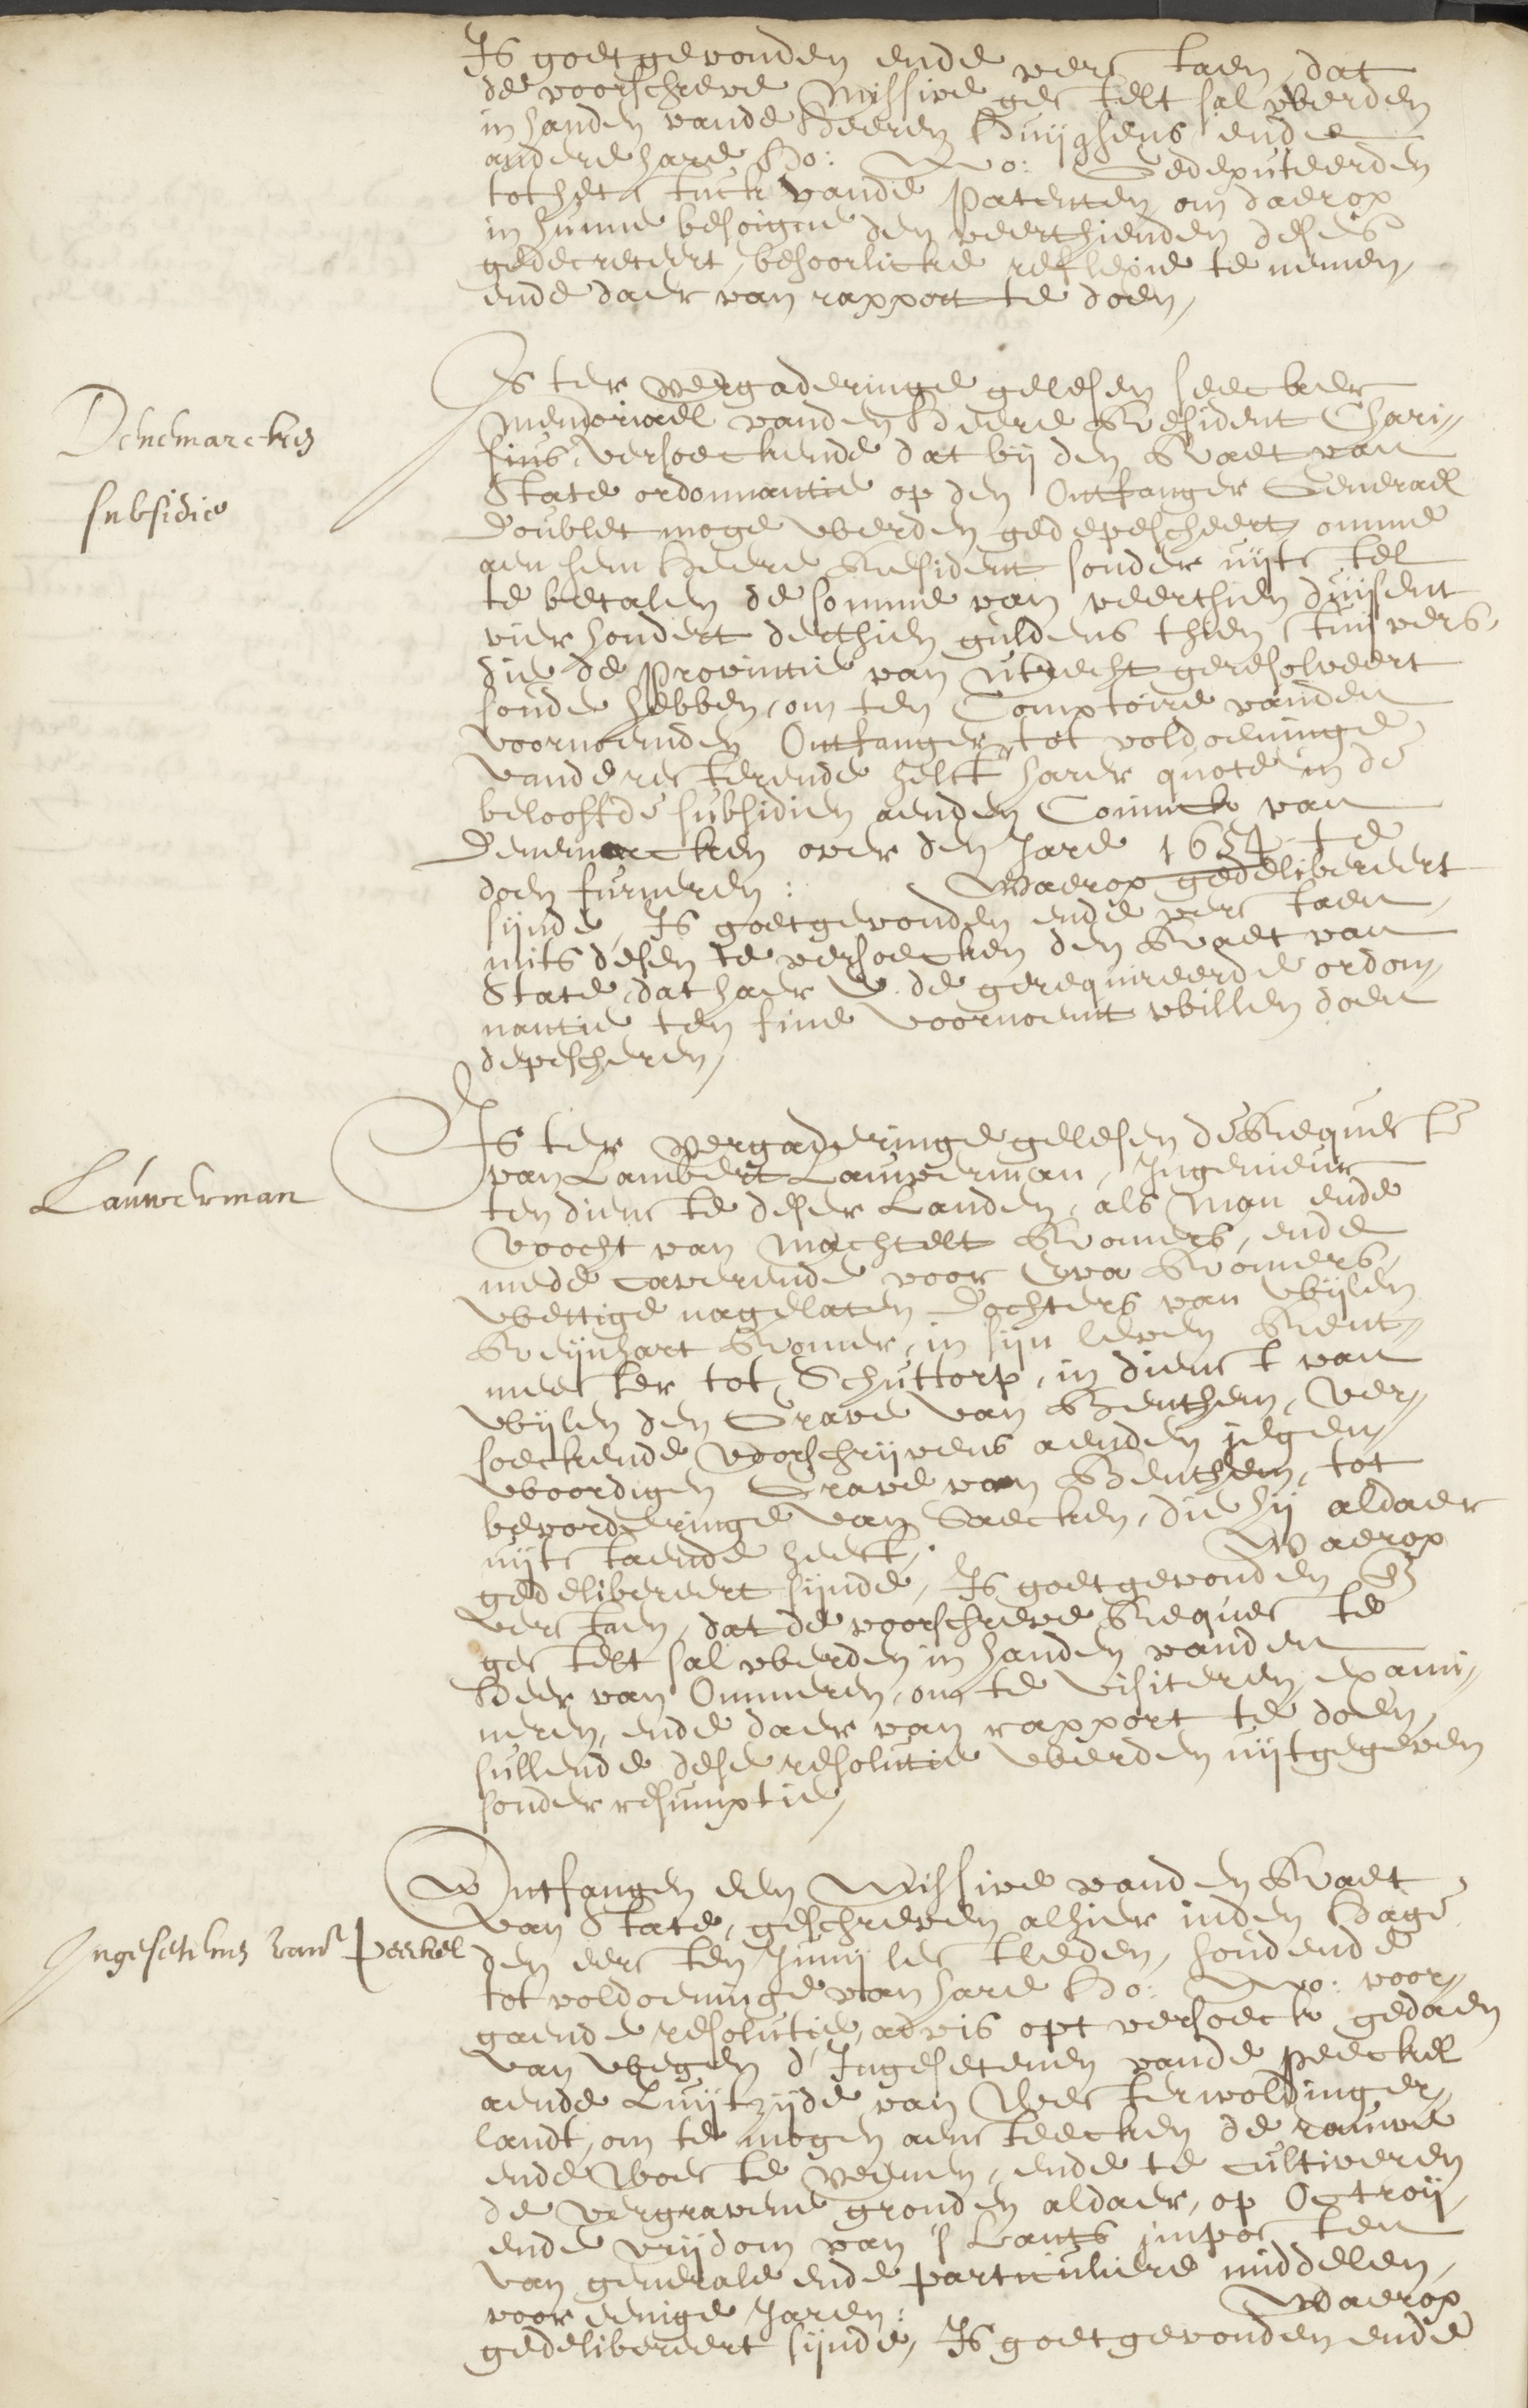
Is goetgevonden ende verstaen, dat
de voorschreve missive gestelt sal werden
in handen vande Heeren Huijghens ende
andere hare Ho:Mo: Gedeputeerden
tot het stuck vande patenten, om daerop
in hunne besoigne den veerthienden deses
gedecreteert, behoorlicke reflexie te nemen,
ende daer van rapport te doen.
Denemarcken
subsidie
Is ter vergaderinge gelesen seecker
memoriael vanden Heere Resident Chari,,
sius, versoeckende dat bij den Raet van
State ordonnantie op den Ontfanger Generael
Doublet moge werden gedepescheert, omme
aen hem Heere Resident sonder uijtstel
te betalen de somme van veerthien duijsent
vier hondert derthien guldens thien stuijvers,
die de provintie van Utrecht geresolveert
soude hebben, om ten Comptoire vanden
voornoemden Ontfanger, tot voldoeninge
vande resterende helft harer quote in de
belooffde subsidien aenden Coninck van
Denemarcken over den Jare 1654 te
doen furneren: Waerop gedelibereert
sijnde, Is goetgevonden ende verstaen,
mits desen te versoecken den Raet van
State, dat haer E. de gerequireerde ordon,,
nantie ten fine voornoemt willen doen
depescheren.
Lauwerman
Is ter vergaderinge gelesen de Requeste
van Lambert Lauwerman, Ingenieur
ten dienste deser Landen, als man ende
voocht van machtelt Romers, ende
mede caverende voor Eva Romers,
wettige nagelaten Dochters van wijlen
Reijnhart Romer, in sijn leven Rent,,
meester tot Schuttorp, in dienst van
wijlen den Grave van Benthem, ver,,
soeckende voorschrijvens aenden jegen,,
woordigen Grave van Benthem, tot
bevorderinge van saecken, die hij aldaer
uijtstaende heeft; Waerop
gedelibereert sijnde, Is goetgevonden &
verstaen, dat de voorschreve Requeste
gestelt sal werden in handen vanden
Heer van Ommeren, om te visiteren, exami,,
neren, ende daer van rapport te doen,
sullende dese resolutie werden uijtgegeven
sonder resumptie.
Ingesetenen van Peeckel
Ontfangen een missive vanden Raet
van State, geschreven alhier inden Hage
den eersten Junij lestleden, houdende
tot voldoeninge van hare Ho:Mo: voor,,
gaende resolutie, advis opt versoeck gedaen
van wegen d' Ingesetenen vande peeckel
aende Zuijtzijde van Westerwoldinger,,
landt, om te mogen aensteecken de rauwe
ende woeste veenen, ende te cultiveren
de vergravene gronden aldaer, op Octroij,
ende vrijdom van 's Lants imposten
van generale ende particuliere middelen,
voor eenige Jaren: Waerop
gedelibereert sijnde, Is goetgevonden ende
